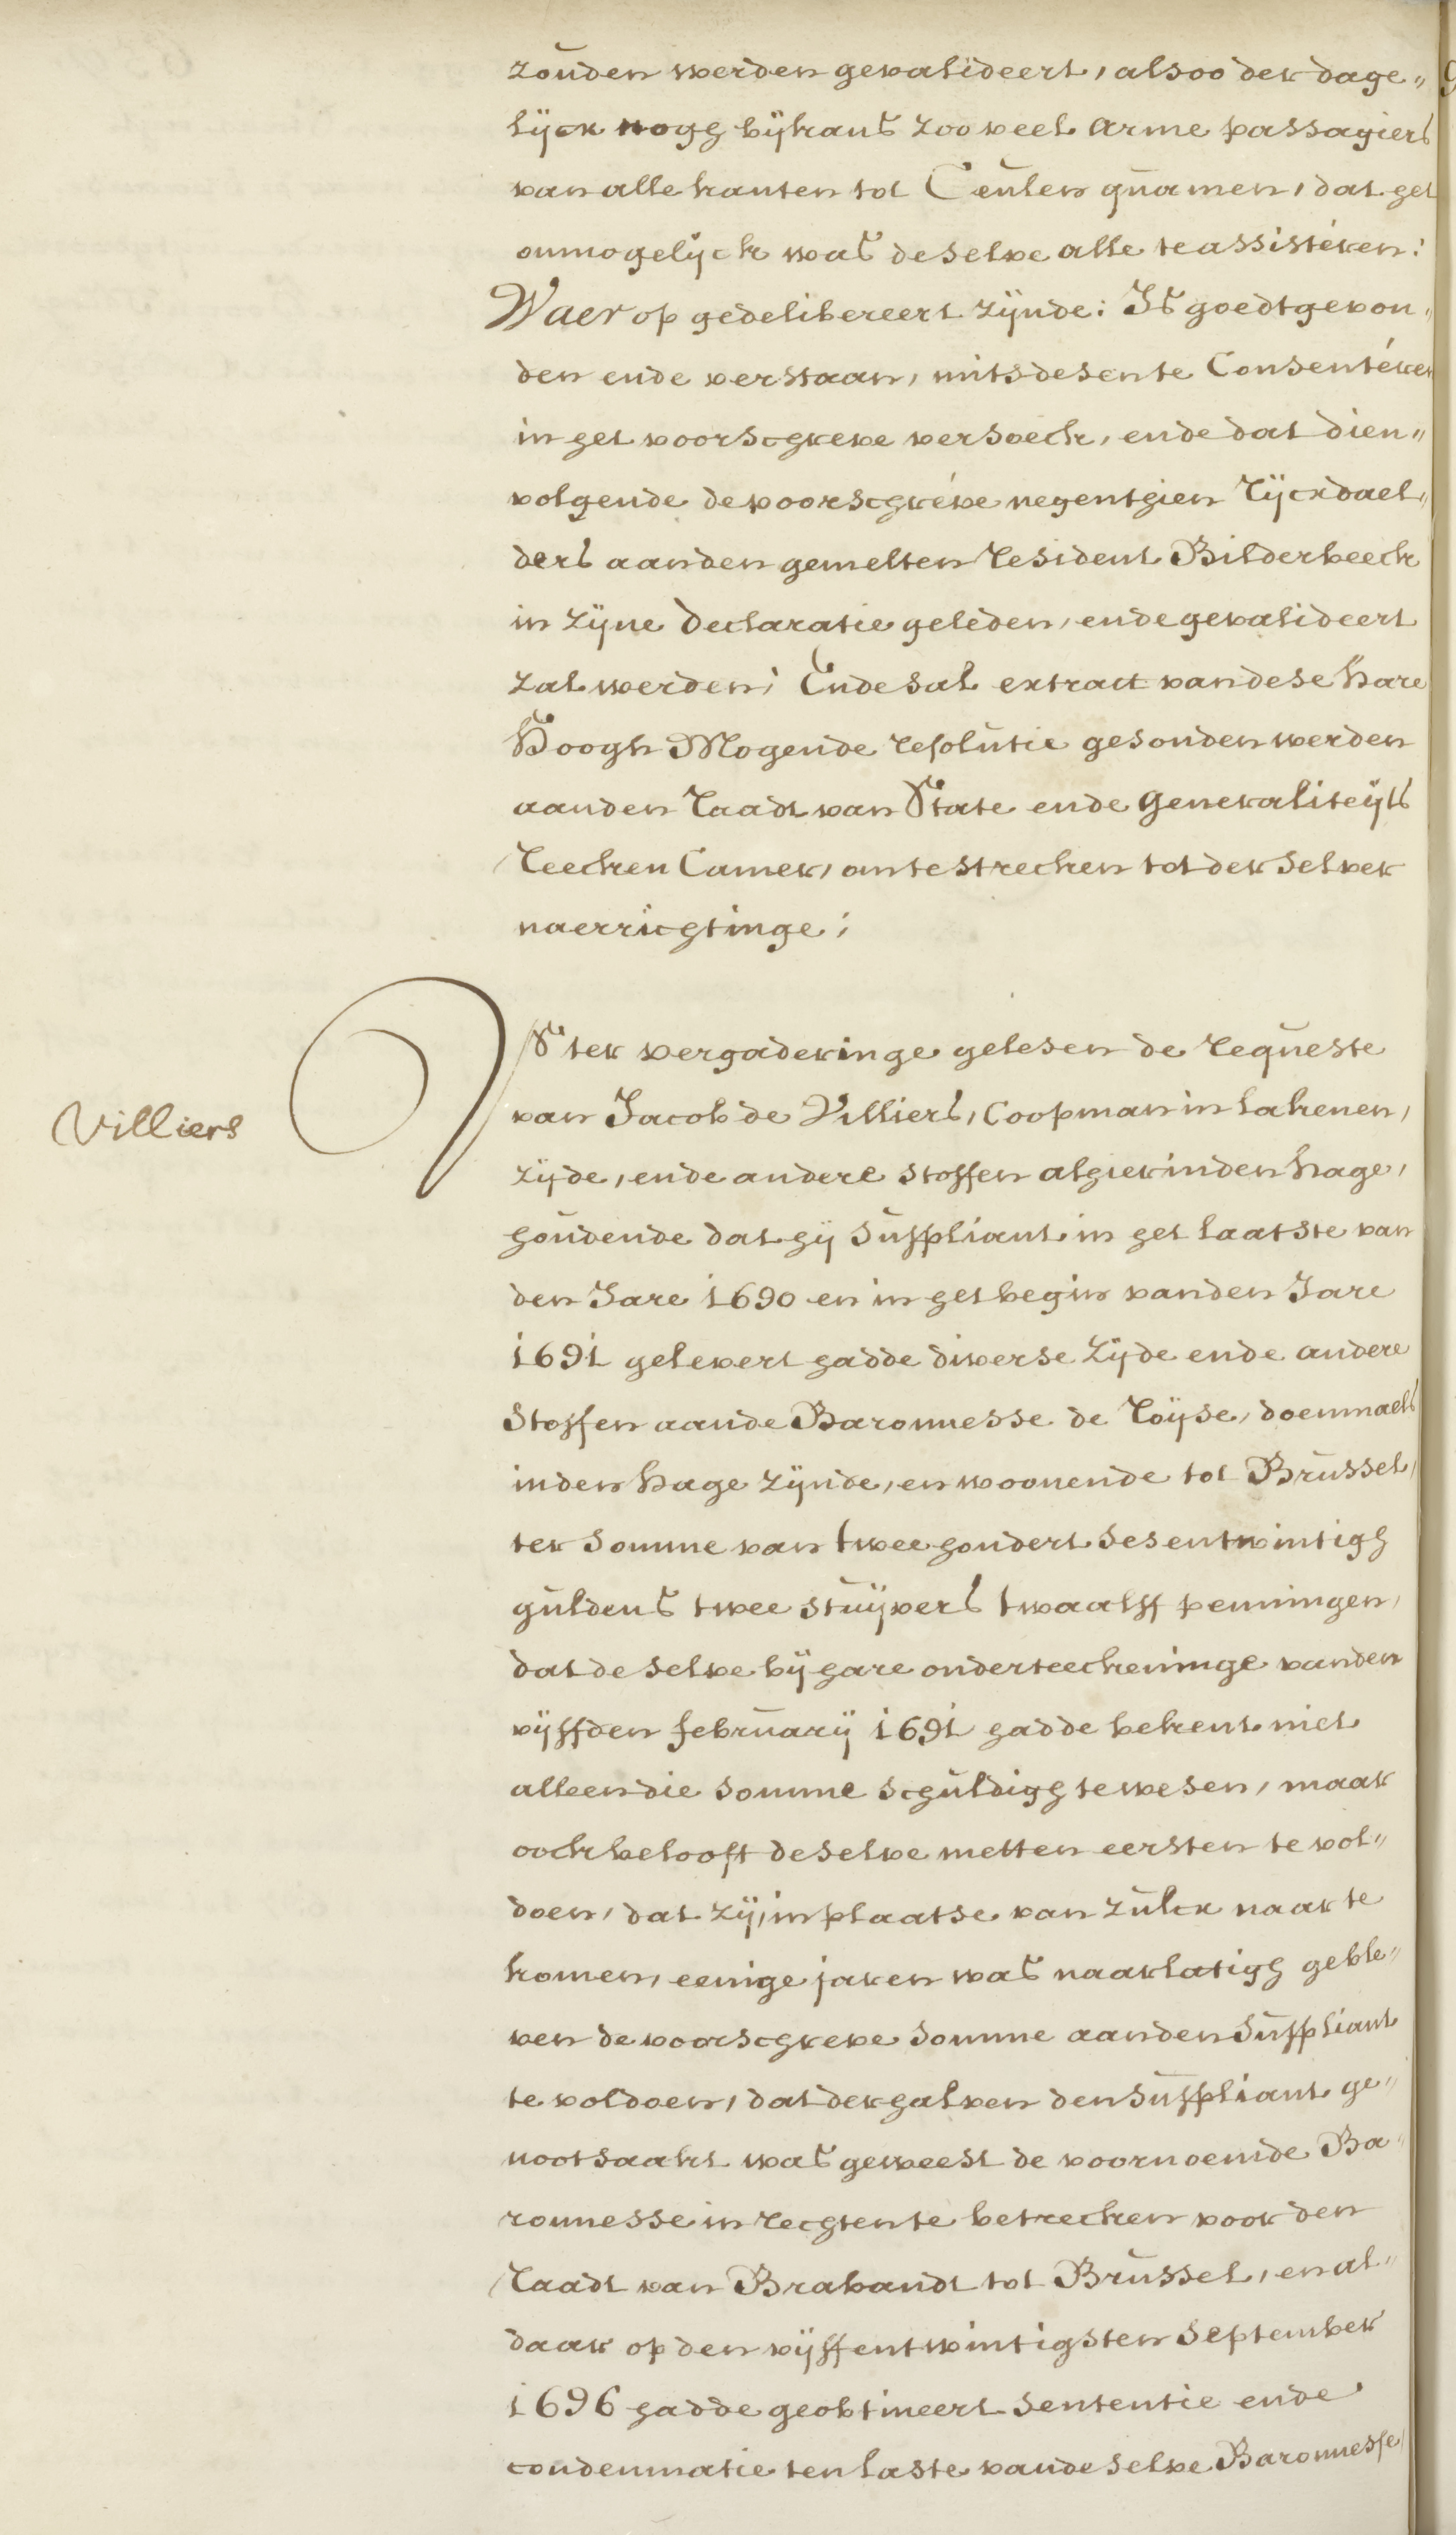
zouden werden gevalideert, alsoo der dage„
lijcx nogh bijkans zoo veel arme passagiers
van alle kanten tot Ceulen quamen, dat het
onmogelijck was deselve alle te assisteren:
Waer op gedelibereert zijnde: Is goedtgevon„
den ende verstaan, mits desen te Consenteren
in het voorschreve versoeck, ende dat dien„
volgende de voorschreve negenthien rijcxdael
ders aanden gemelten resident Bilderbeeck
in zijne declaratie geleden, ende gevalideert
zal werden; Ende sal extract van dese hare
Hoogh Mogende resolutie gesonden werden
aanden Raadt van State ende generaliteijts
Reecken Camer, om te strecken tot derselver
naerrichtinge:
Villiers
Is ter vergaderinge gelesen de requeste
van Jacob de Villiers, Coopman in lakenen,
zijde, ende andere stoffen alhier inden Hage,
houdende dat hij suppliant in het laatste van
den jare 1690 en in het begin vanden Jare
1691 gelevert hadde diverse zijde ende andere
stoffen aande Baronnesse de Roijse, doenmaels
inden Hage zijnde, en woonende tot Brussel,
ter somme van twee hondert sesentwintigh
guldens twee stuijvers twaalff penningen
dat deselve bij hare onderteeckeninge vanden
vijffden februarij 1691 hadde bekent niet
alleen die somme schuldigh te wesen, maar
oock belooft deselve metten eersten te vol„
doen, dat zij in plaatse van zulcx naar te
komen, eenige jaren was naarlatigh geble,,
ven de voorschreve somme aan den suppliant
te voldoen, dat derhalven den suppliant ge,,
nootsaakt was geweest de voornoemde Ba„,
ronnesse in rechten te betrecken voor den
Raadt van Brabandt tot Brussel, en al„
daar op den vijffentwintigsten september
1696 hadde geobtineert sententie ende
condemnatie ten laste vande selve Baronnesse
